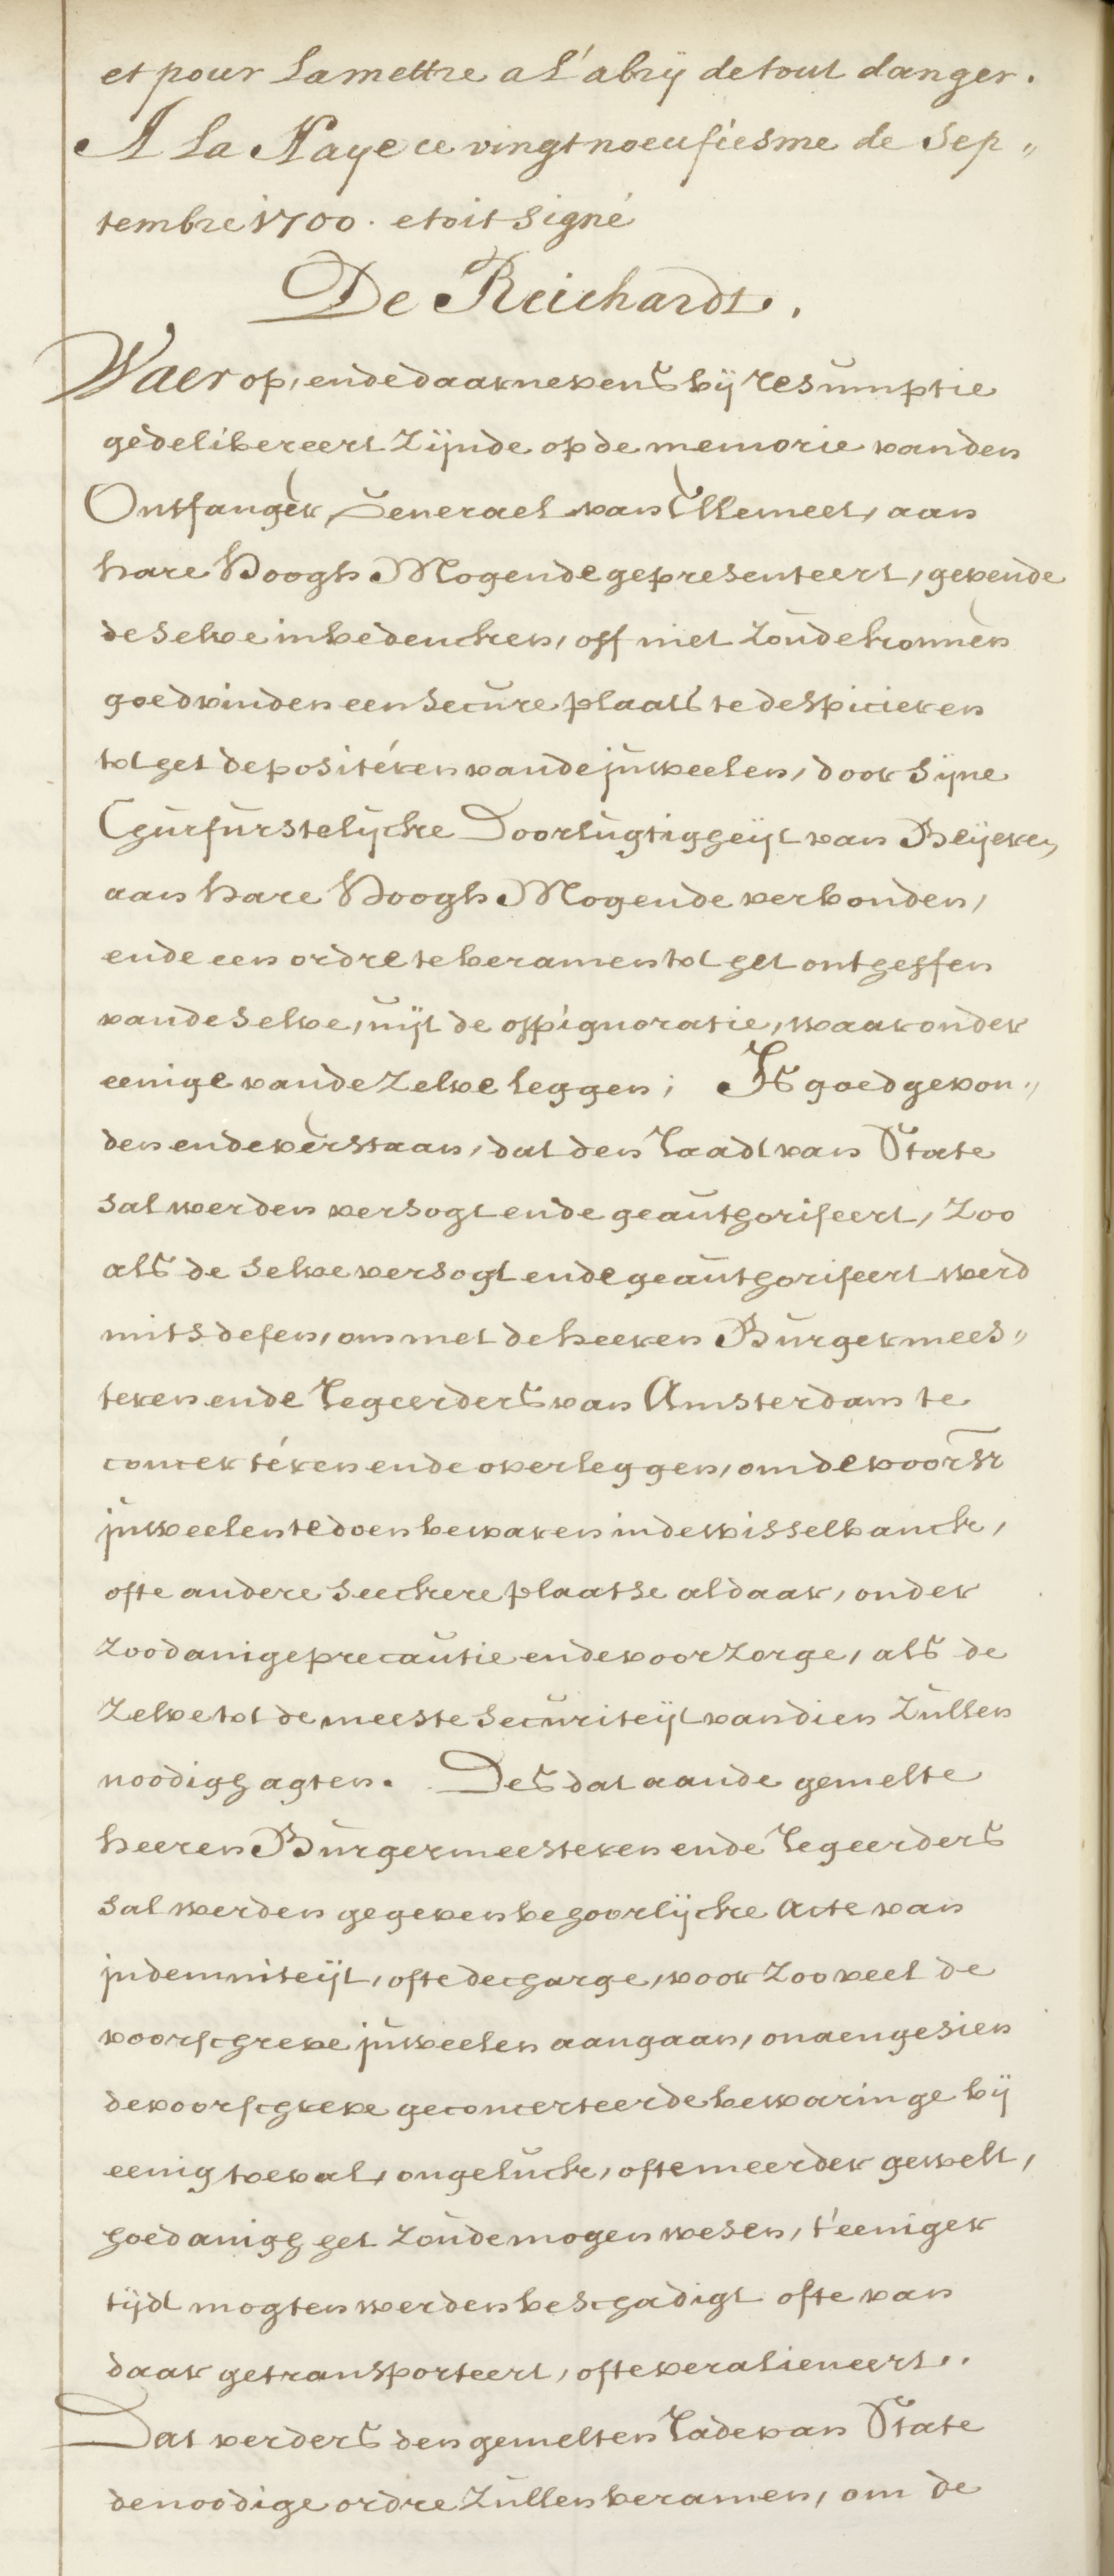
et pour la mettre a l'abrij de tout danger.
A la Haye ce vingtnoeufiesme de sep„
tembre 1700 etoit signé
De Reichardt.
Waer op, ende daarnevens bij resumptie
gedelibereert zijnde op de memorie vanden
Ontfanger Generael van Ellemeet, aan
hare Hoogh Mogende gepresenteert, gevende
deselve in bedencken, off niet zoude konnen
goedvinden een secure plaats te despicieren
tot het depositeren vande juweelen, door sijne
Churfurstelijcke Doorlugtigheijt van Beijeren
aan hare Hoogh Mogende verbonden,
ende een ordre te beramen tot het ontheffen
van deselve, uijt de oppignoratie, waaronder
eenige vandezelve leggen: Is goedgevon„
den ende verstaan, dat den Raadt van State
sal werden versogt ende geauthoriseert, zoo
als de selve versogt ende geauthoriseert werd
mits desen, om met de heeren Burgermees„
teren ende Regeerders van Amsterdam te
concerteren ende overleggen, om de voorsz
juweelen te doen bewaren inde wisselbanck,
ofte andere seeckere plaatse aldaar, onder
zoodanige precautie ende voorzorge, als de
zelve tot de meeste securiteijt vandien zullen
noodigh agten. Des dat aande gemelte
heeren Burgermeesteren ende regeerders
sal werden gegeven behoorlijcke acte van
indemmiteijt, ofte decharge, voor zooveel de
voorschreve juweelen aangaan, onaengesien
de voorschreve geconcerteerde bewaringe bij
eenig toeval ongeluck, ofte meerder gewelt,
hoedanigh het zoude mogen wesen, t'eeniger
tijdt mogten werden beschadigt ofte van
daar getransporteert, ofte veralieneert.
Dat verders den gemelten Rade van State
de noodige ordre zullen beramen, om de
